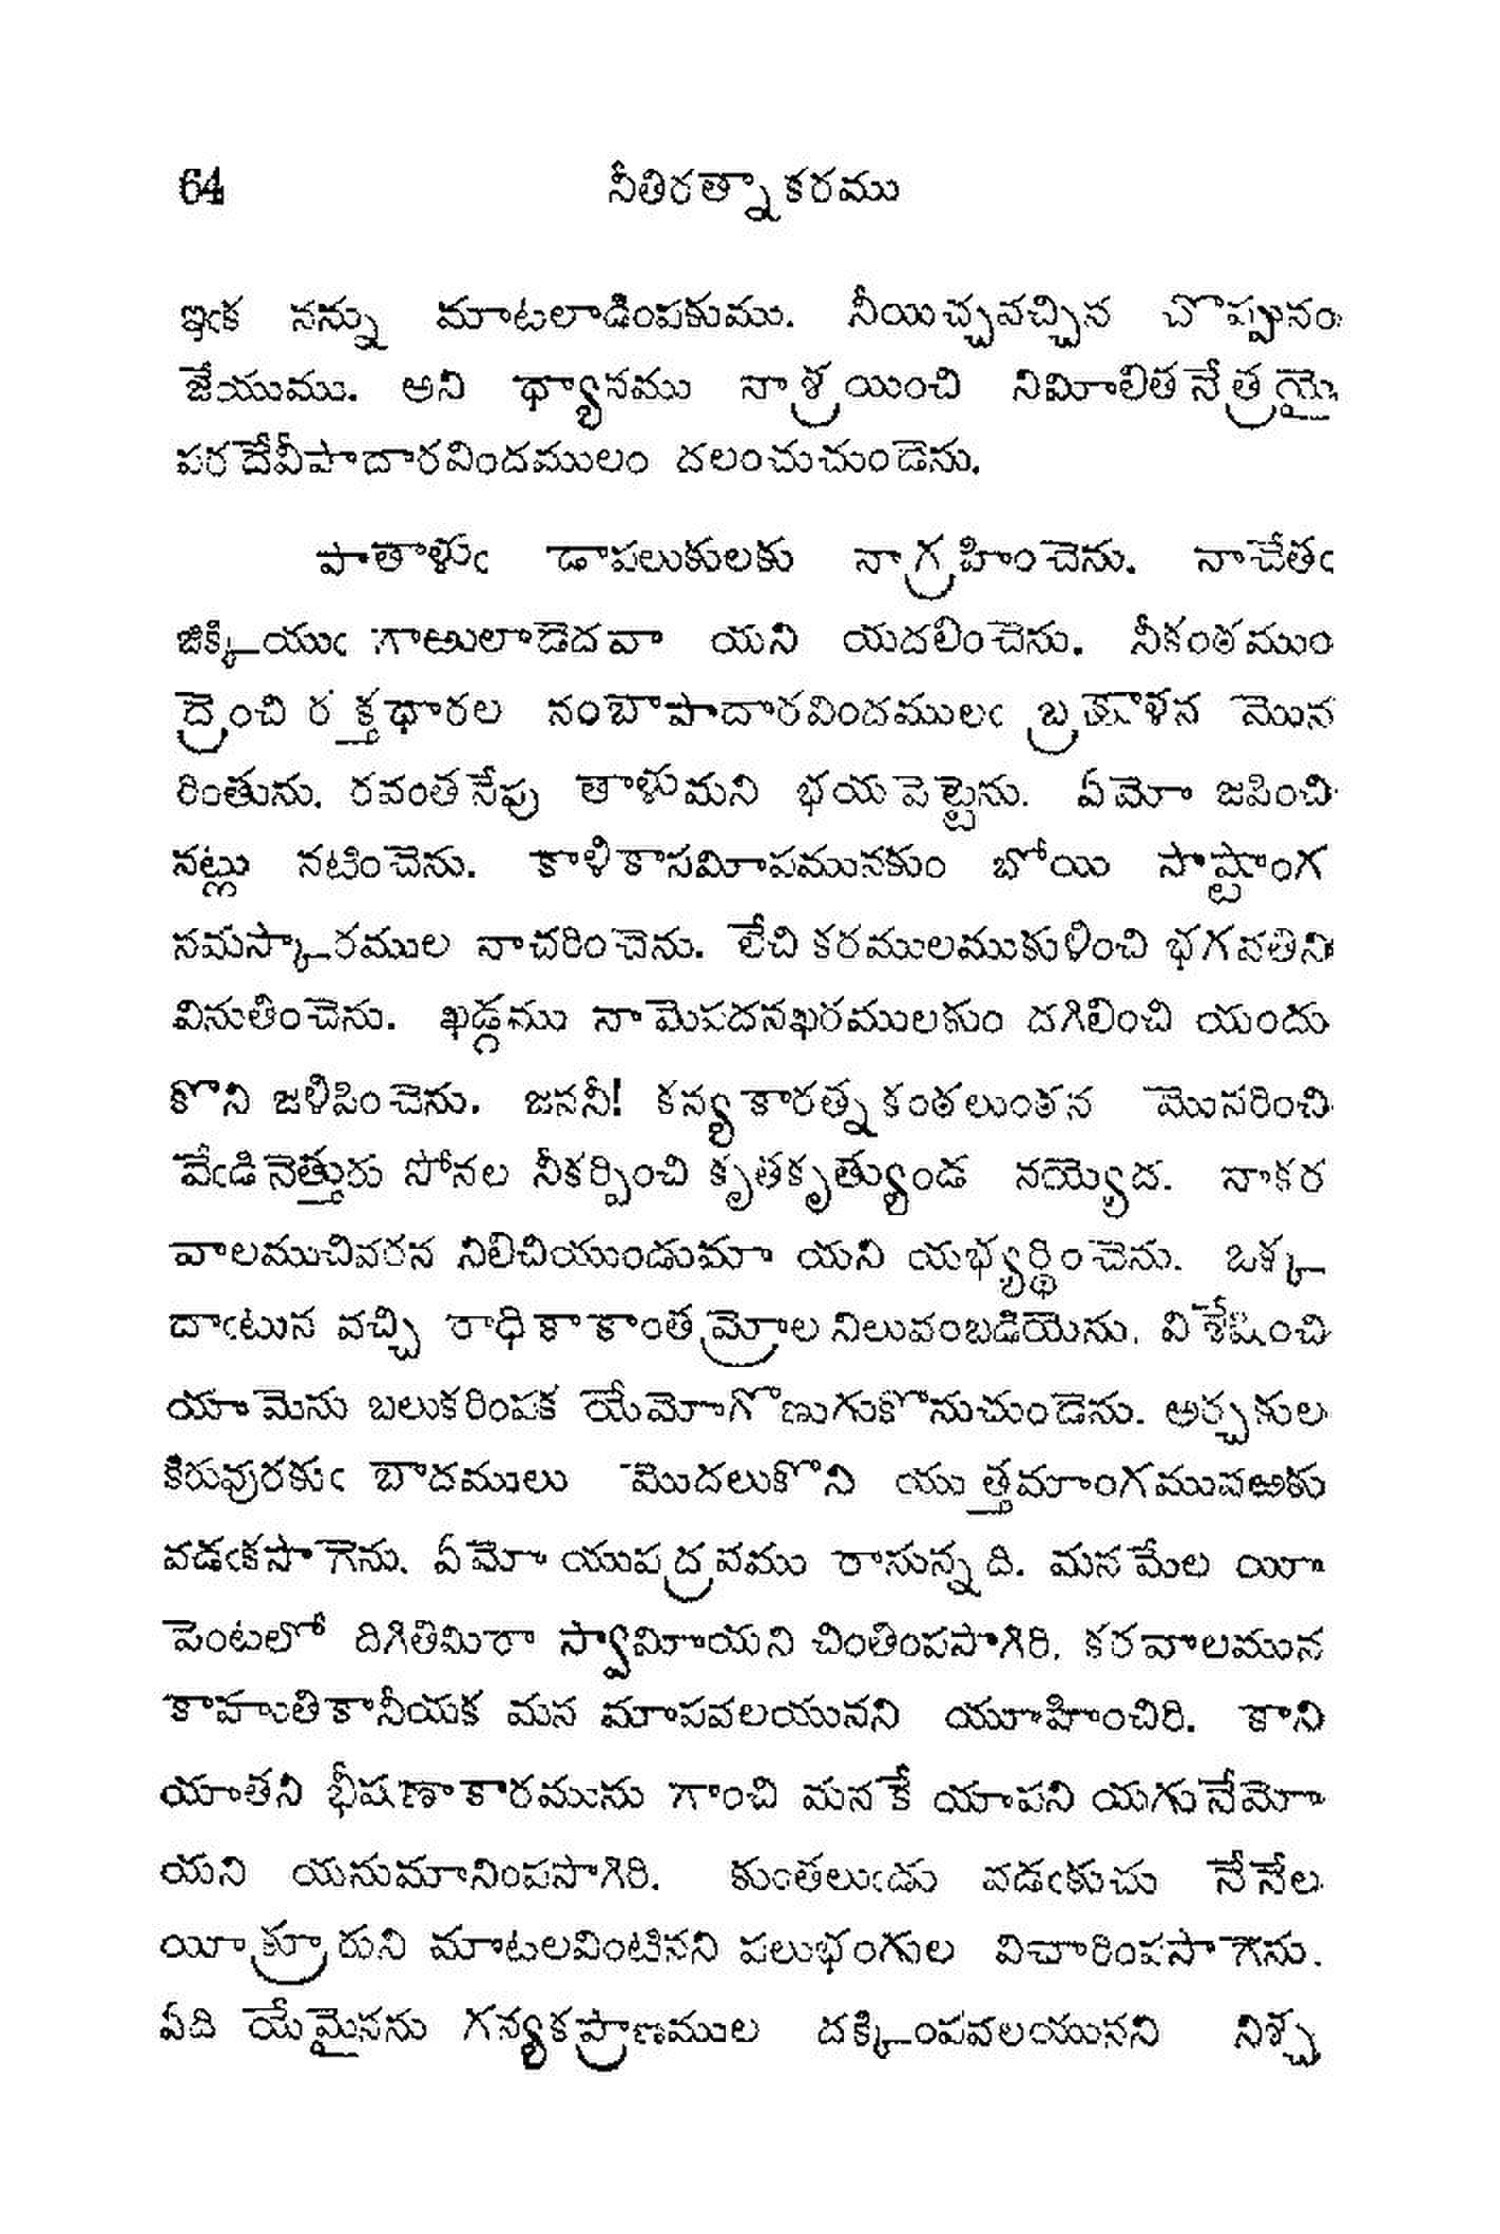ఇఁక నన్ను మాటలాడింపకుము. నీయిచ్చవచ్చిన చొప్పునం జేయుము. అని ధ్యానము నాశ్రయించి నిమీలితనేత్రయై, పరదేవీపాదారవిందములం దలంచుచుండెను.

పాతాళుఁ డాపలుకులకు నాగ్రహించెను. నాచేతం జిక్కి యుఁ 'గాఱులాడెదవా యని యదలించెను. నీకంఠముంద్రెంచి రక్తధారల నంబాపాదారవిందములఁ బ్రక్షాళన మొనరింతును. రవంత సేపు తాళుమని భయపెట్టెను. ఏమో జపించినట్లు నటించెను. కాళికాసమీపమునకుం బోయి సాష్టాంగ నమస్కారముల నాచరించెను. లేచి కరములముకుళించి భగవతిని వినుతించెను. ఖడ్గము నా మెపదనఖరములకుం దగిలించి యందు కొని జళిపించెను. జననీ! కన్యకారత్న కంఠ లుంఠన మొసరించి వేఁడి నెత్తురు సోనల నీకర్పించి కృతకృత్యుండ నయ్యెద. నాకర వాలముచివరన నిలిచియుండుమా యని యభ్యర్థించెను. ఒక్క దాఁటున వచ్చి రాధికా కాంత మ్రోల నిలువంబడియెను, విశేషించి యామెను బలుకరింపక యేమోగొణుగుకొనుచుండెను. అర్చకుల కిరువురకుఁ బాదములు మొదలుకొని యుత్తమాంగముపఱకు వడఁకసాగెను, ఏమో యుపద్రవము రానున్నది. మన మేల యీ పెంటలో దిగితిమిరా స్వామియని చింతింపసాగిరి. కరవాలమున కాహుతి కానీయక మన మాపవలయునని యూహించిరి. కాని యాతని భీషణాకారమును గాంచి మనకే యాపని యగునేమో యని యనుమానింపసాగిరి. కుంతలుఁడు వడఁకుచు నేనేల యీక్రూరుని మాటలవింటినని పలుభంగుల విచారించ సాగాను. ఏది యేమైనను గన్యకప్రాణముల దక్కింపవలయునని నిశ్చ